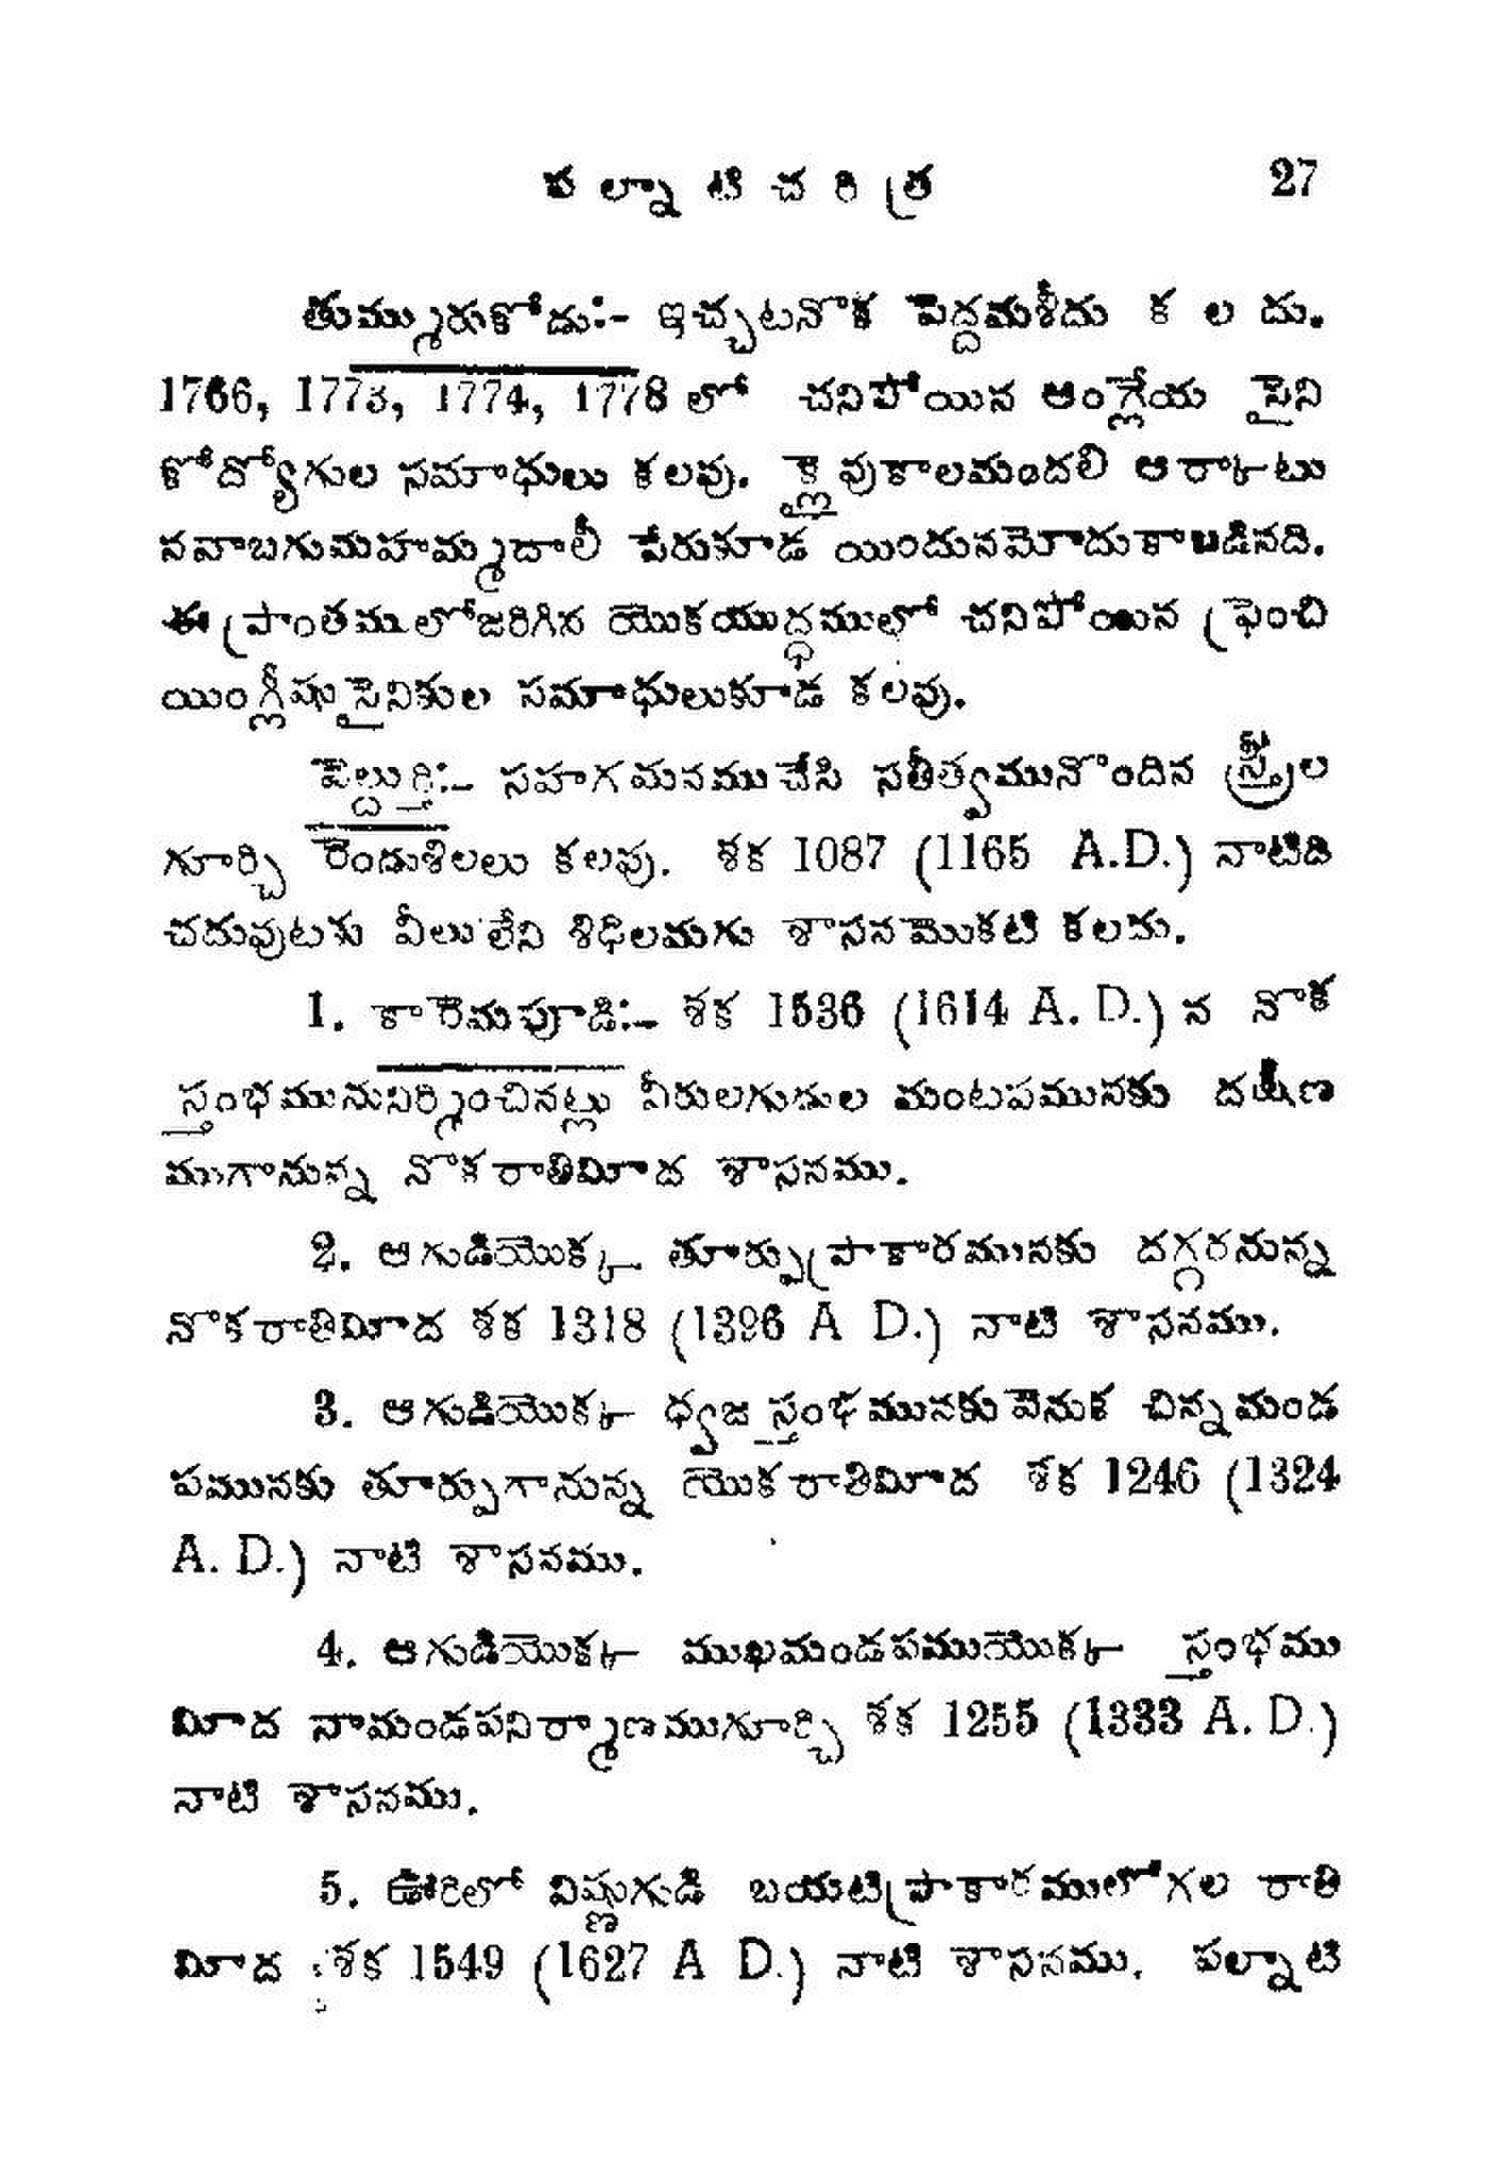తుమ్మురుకోడు:- ఇచ్చటనొక పెద్దమశీదు కలదు.
1766, 1773, 1774, 1778 లో చనిపోయిన ఆంగ్లేయ 
సైనికోద్యోగుల సమాధులు కలవు. క్లైవుకాలమందలి ఆర్కాటు
నవాబగుమహమ్మదాలీ పేరుకూడ యిందు నమోదు కాబడినది.
ఈ ప్రాంతములో జరిగిన యొకయుద్ధములో చనిపోయిన ఫ్రెంచి
యింగ్లీషు సైనికుల సమాధులుకూడ కలవు.

వెల్దుర్తి. సహగమనము చేసి సతీత్వమునొందిన స్త్రీల
గూర్చి రెండుశిలలు కలవు. శక 1087 (1165 A.D.) నాటిది
చదువుటకు వీలు లేని శిధిలమగు శాసన మొకటి కలదు.

1. కారెమపూడి:- శక 1536 (1614 A.D.) న నొక
స్తంభమును నిర్మించినట్లు వీరులగుడుల మంటపమునకు దక్షిణము 
గానున్న నొక రాతిమీద శాసనము.

2. ఆగుడియొక్క తూర్పు ప్రాకారమునకు దగ్గరనున్న
నొకరాతిమీద శక 1318 (1396 A D.) నాటి శాసనము.

3. ఆ గుడియొక్క ధ్వజ స్తంభమునకు వెనుక చిన్న మండ
పమునకు తూర్పుగానున్న యొక రాతిమీద శక 1246 (1324
A.D.) నాటి శాసనము.

4. ఆగుడియొక్క ముఖమండపముయొక్క స్తంభము
మీద నామండప నిర్మాణము గూర్చి శక 1255 (1333 A. D.)
నాటి శాసనము.

5. ఊరిలో విష్ణుగుడి బయటి ప్రాకారములోగల రాతి
మీద :శక 1549 (1627 A D.) నాటి శాసనము. పల్నాటి